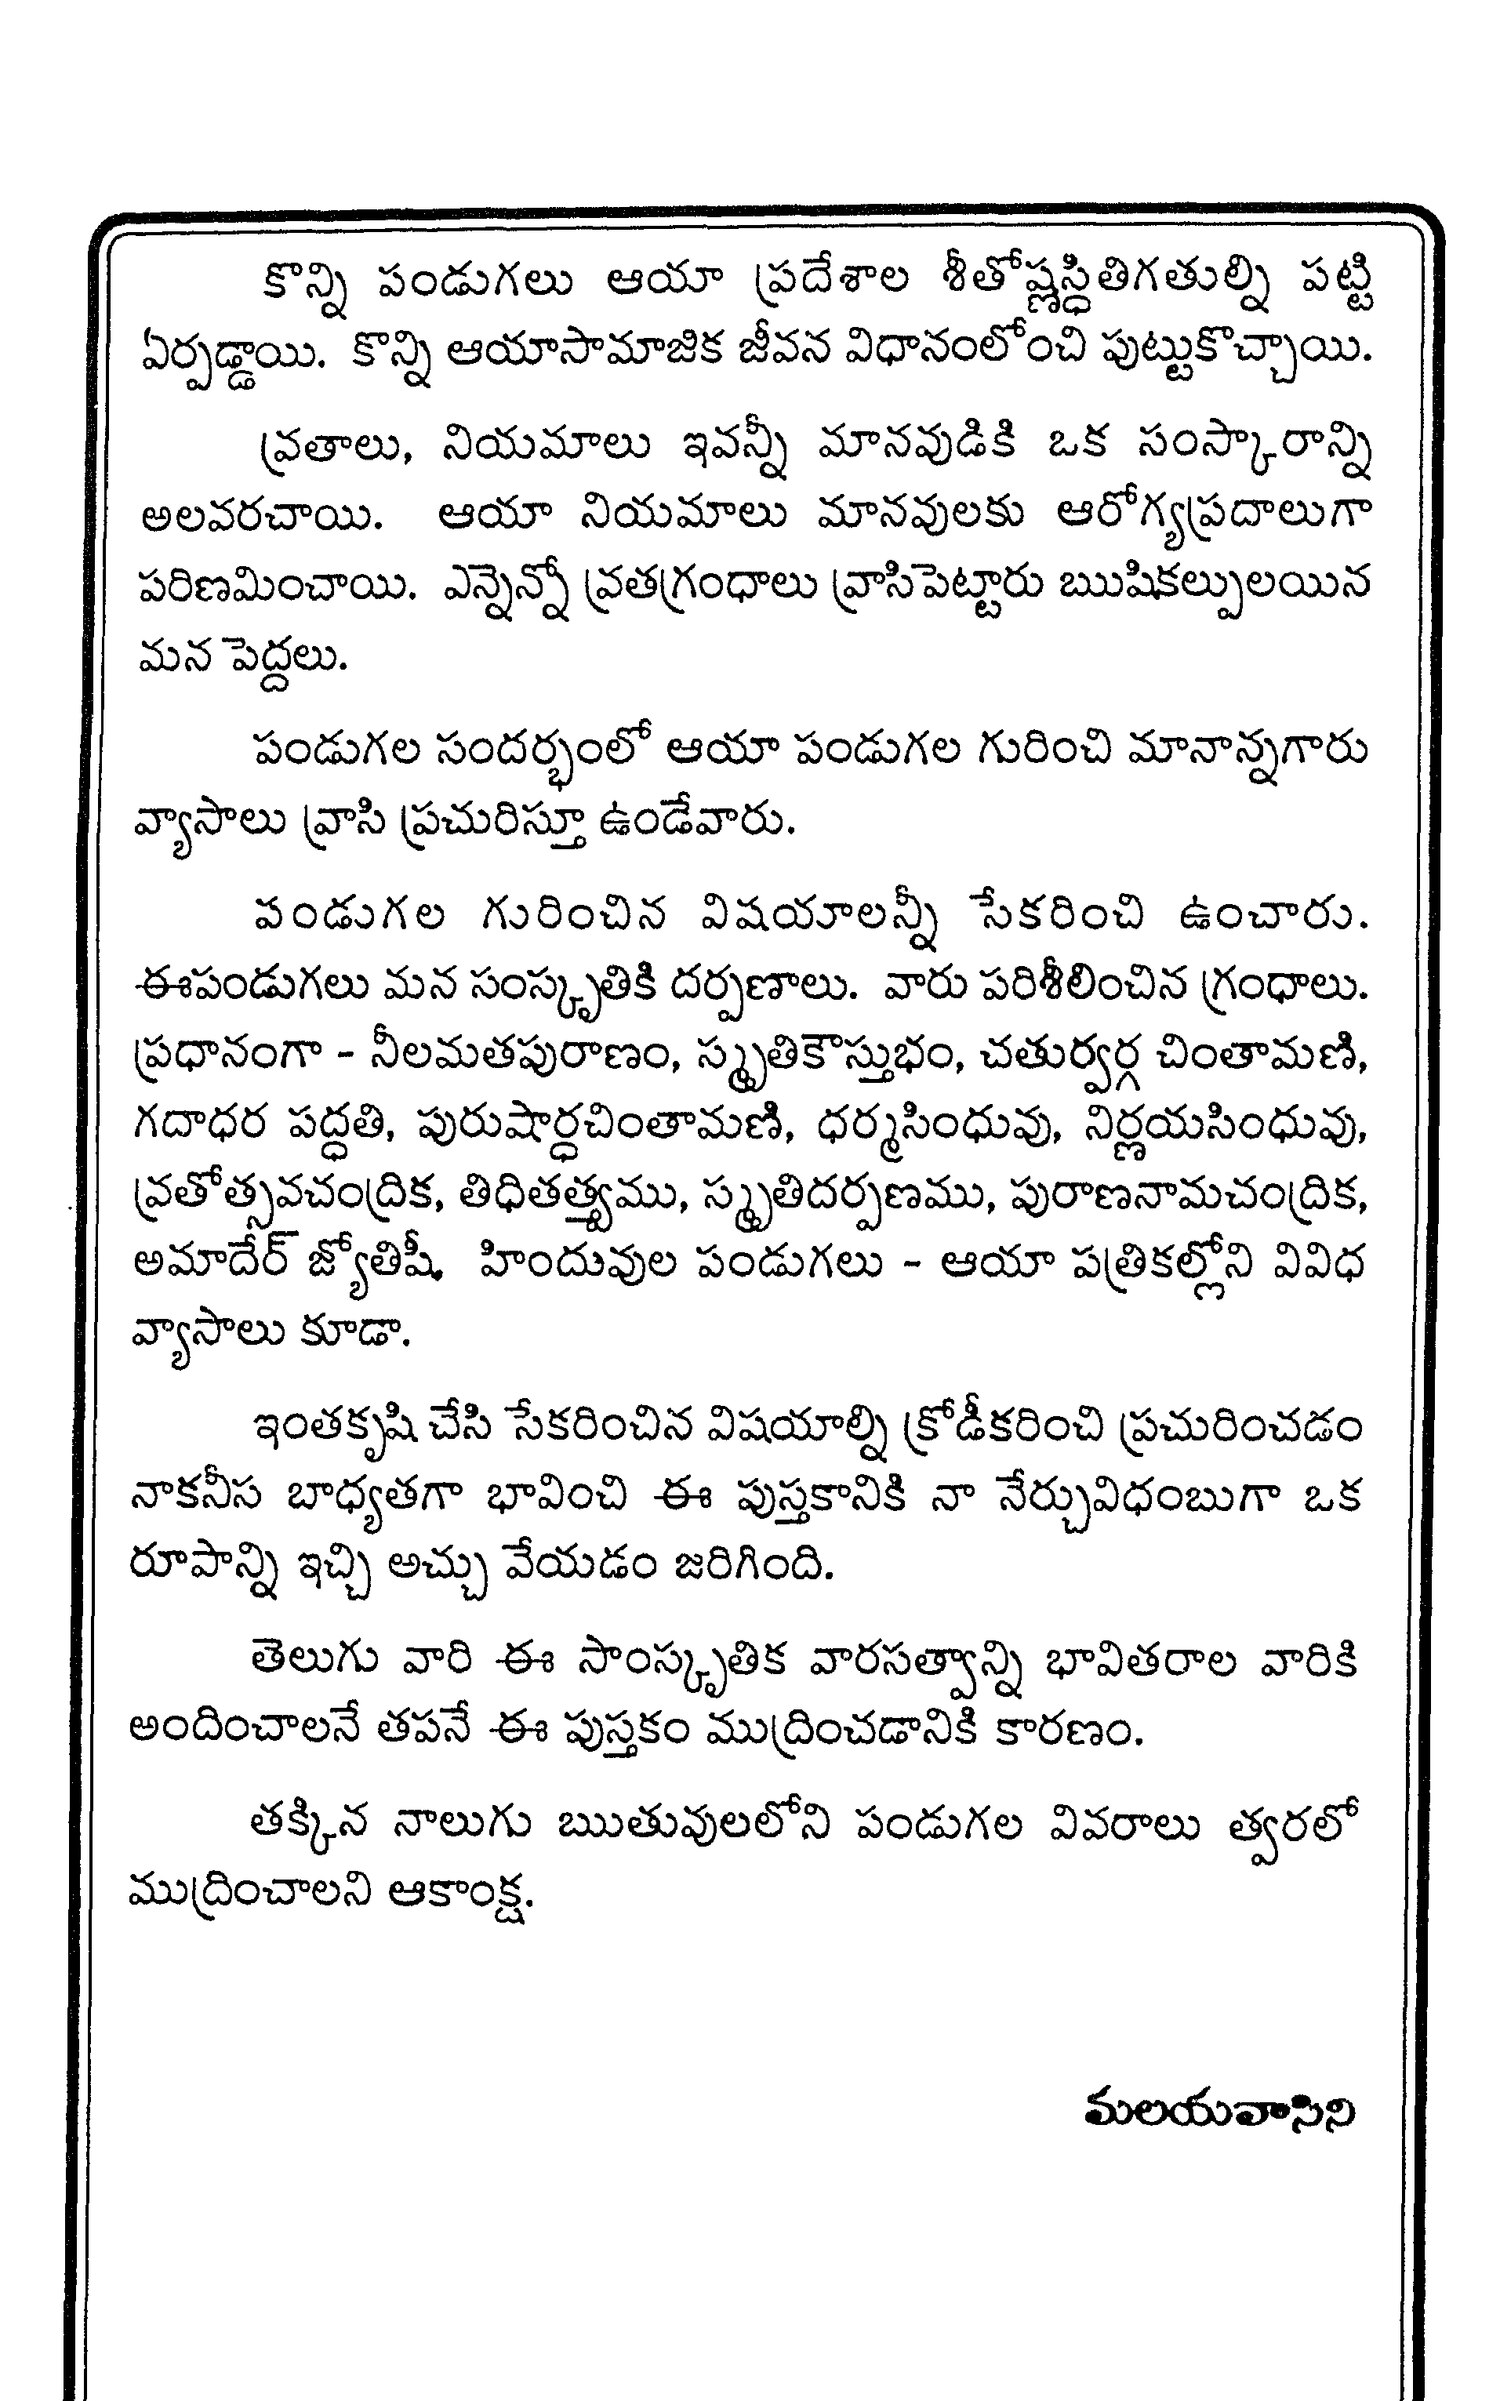కొన్ని పండుగలు ఆయా ప్రదేశాల శీతోష్ణస్థితిగతుల్ని పట్టి ఏర్పడ్డాయి. కొన్ని ఆయాసామాజిక జీవన విధానంలోంచి పుట్టుకొచ్చాయి.

వ్రతాలు, నియమాలు ఇవన్నీ మానవుడికి ఒక సంస్కారాన్ని అలవరచాయి. ఆయా నియమాలు మానవులకు ఆరోగ్యప్రదాలుగా పరిణమించాయి. ఎన్నెన్నో వ్రతగ్రంధాలు వ్రాసిపెట్టారు ఋషికల్పులయిన మన పెద్దలు.

పండుగల సందర్భంలో ఆయా పండుగల గురించి మానాన్నగారు వ్యాసాలు వ్రాసి ప్రచురిస్తూ ఉండేవారు. 

పండుగల గురించిన విషయాలన్నీ సేకరించి ఉంచారు. ఈపండుగలు మన సంస్కృతికి దర్పణాలు. వారు పరిశీలించిన గ్రంథాలు ప్రధానంగా - నీలమతపురాణం, స్మృతికౌస్తుభం, చతుర్వర్గ చింతామణి, గదాధర పద్ధతి, పురుషార్ధ చింతామణి, ధర్మసింధువు, నిర్ణయసింధువు, వ్రతోత్సవచంద్రిక, తిధితత్త్వము, స్మృతిదర్పణము, పురాణనామచంద్రిక, అమాదేర్ జ్యోతిషీ, హిందువుల పండుగలు - ఆయా పత్రికల్లోని వివిధ వ్యాసాలు కూడా. 

ఇంతకృషి చేసి సేకరించిన విషయాన్ని క్రోడీకరించి ప్రచురించడం నాకనీస బాధ్యతగా భావించి ఈ పుస్తకానికి నా నేర్చువిధంబుగా ఒక రూపాన్ని ఇచ్చి అచ్చు వేయడం జరిగింది.

తెలుగు వారి ఈ సాంస్కృతిక వారసత్వాన్ని భావితరాల వారికి అందించాలనే తపనే ఈ పుస్తకం ముద్రించడానికి కారణం.

తక్కిన నాలుగు ఋతువులలోని పండుగల వివరాలు త్వరలో ముద్రించాలని ఆకాంక్ష.

మలయవాసిని